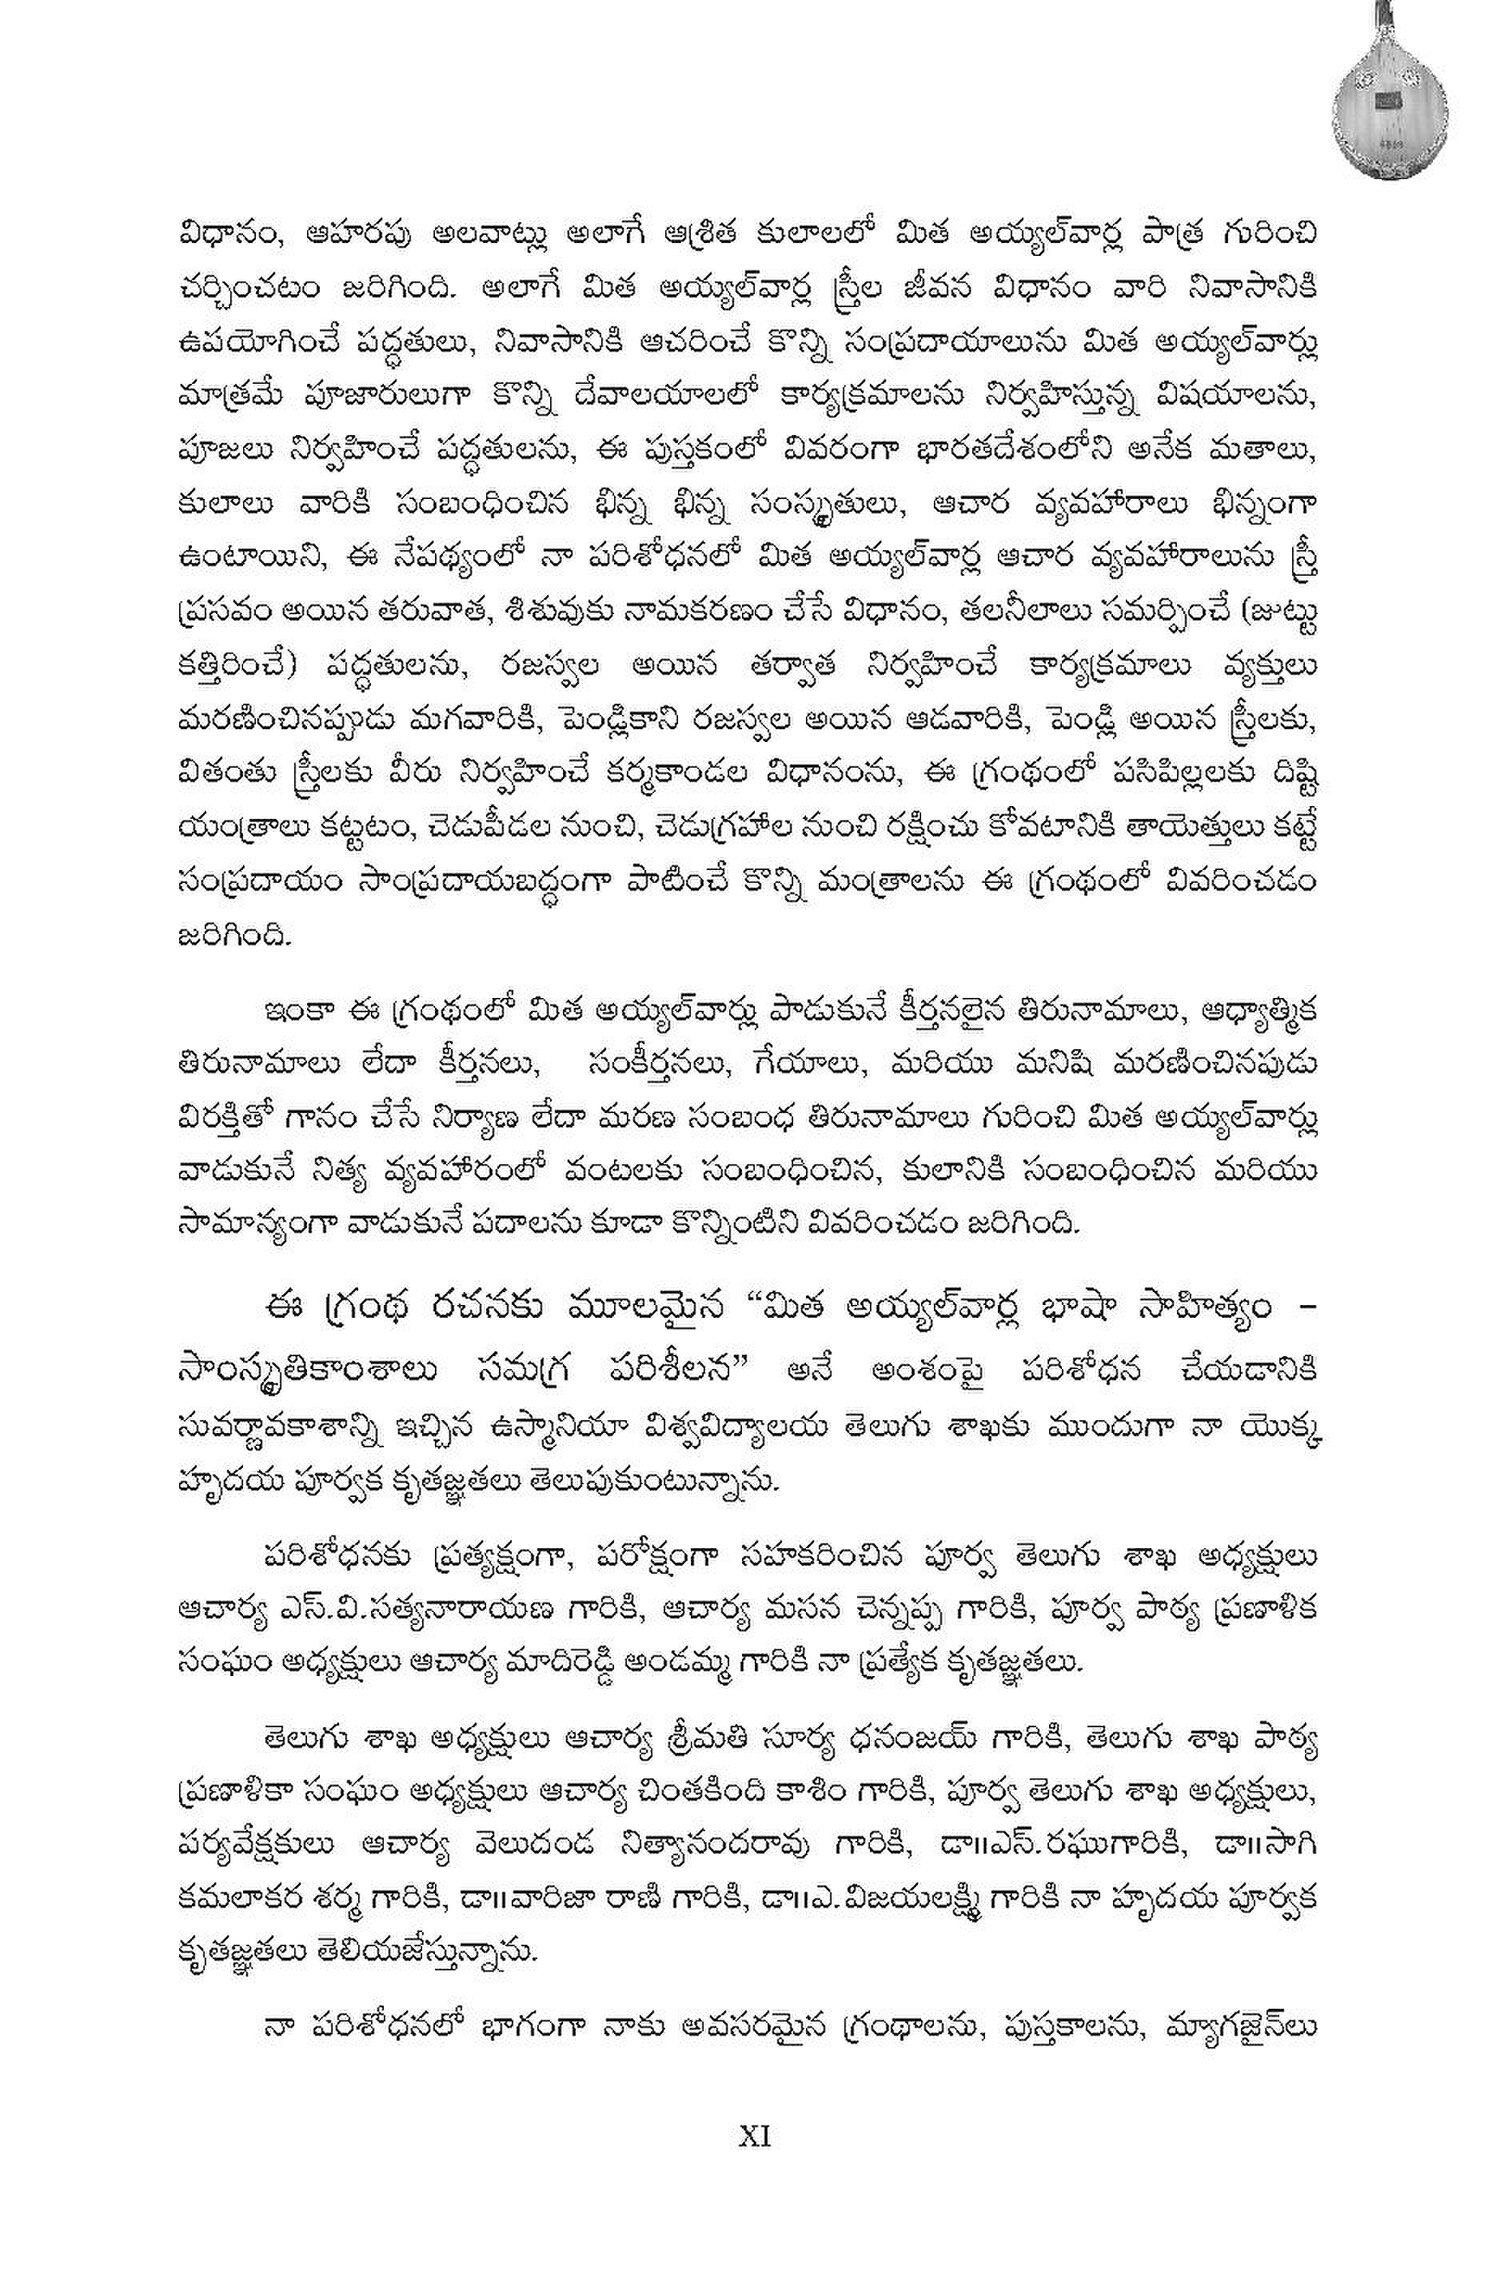విధానం, ఆహరపు అలవాట్లు అలాగే ఆశ్రిత కులాలలో మిత అయ్యల్వార్ల పాత్ర గురించి చర్చించటం జరిగింది. అలాగే మిత అయ్యల్వార్ల స్త్రీల జీవన విధానం వారి నివాసానికి ఉపయోగించే పద్ధతులు, నివాసానికి ఆచరించే కొన్ని సంప్రదాయాలును మిత అయ్యల్వార్లు మాత్రమే పూజారులుగా కొన్ని దేవాలయాలలో కార్యక్రమాలను నిర్వహిస్తున్న విషయాలను, పూజలు నిర్వహించే పద్ధతులను, ఈ పుస్తకంలో వివరంగా భారతదేశంలోని అనేక మతాలు, కులాలు వారికి సంబంధించిన భిన్న భిన్న సంస్కృతులు, ఆచార వ్యవహారాలు భిన్నంగా ఉంటాయిని, ఈ నేపథ్యంలో నా పరిశోధనలో మిత అయ్యల్వార్ల ఆచార వ్యవహారాలును స్త్రీ ప్రసవం అయిన తరువాత, శిశువుకు నామకరణం చేసే విధానం, తలనీలాలు సమర్పించే (జుట్టు కత్తిరించే) పద్ధతులను, రజస్వల అయిన తర్వాత నిర్వహించే కార్యక్రమాలు వ్యక్తులు మరణించి నప్పుడు మగవారికి, పెండ్లికాని రజస్వల అయిన ఆడవారికి, పెండ్లి అయిన స్త్రీలకు, వితంతు స్త్రీలకు వీరు నిర్వహించే కర్మకాండల విధానంను, ఈ గ్రంథంలో పసిపిల్లలకు దిష్టి యంత్రాలు కట్టటం, చెడుపీడల నుంచి, చెడుగ్రహాల నుంచి రక్షించు కోవటానికి తాయెత్తులు కట్టే సంప్రదాయం సాంప్రదాయబద్ధంగా పాటించే కొన్ని మంత్రాలను ఈ గ్రంథంలో వివరించడం జరిగింది.

ఇంకా ఈ గ్రంథంలో మిత అయ్యల్వార్లు పాడుకునే కీర్తనలైన తిరునామాలు, ఆధ్యాత్మిక తిరునామాలు లేదా కీర్తనలు, సంకీర్తనలు, గేయాలు, మరియు మనిషి మరణించినపుడు విరక్తితో గానం చేసే నిర్యాణ లేదా మరణ సంబంధ తిరునామాలు గురించి మిత అయ్యల్వార్లు వాడుకునే నిత్య వ్యవహారంలో వంటలకు సంబంధించిన, కులానికి సంబంధించిన మరియు సామాన్యంగా వాడుకునే పదాలను కూడా కొన్నింటిని వివరించడం జరిగింది.

ఈ గ్రంథ రచనకు మూలమైన "మిత అయ్యల్వార్ల భాషా సాహిత్యం సాంస్కృతికాంశాలు సమగ్ర పరిశీలన" అనే అంశంపై పరిశోధన చేయడానికి సువర్ణావకాశాన్ని ఇచ్చిన ఉస్మానియా విశ్వవిద్యాలయ తెలుగు శాఖకు ముందుగా నా యొక్క
హృదయ పూర్వక కృతజ్ఞతలు తెలుపుకుంటున్నాను.

పరిశోధనకు ప్రత్యక్షంగా, పరోక్షంగా సహకరించిన పూర్వ తెలుగు శాఖ అధ్యక్షులు ఆచార్య ఎస్.వి.సత్యనారాయణ గారికి, ఆచార్య మసన చెన్నప్ప గారికి, పూర్వ పాఠ్య ప్రణాళిక సంఘం అధ్యక్షులు ఆచార్య మాదిరెడ్డి అండమ్మ గారికి నా ప్రత్యేక కృతజ్ఞతలు.

తెలుగు శాఖ అధ్యక్షులు ఆచార్య శ్రీమతి సూర్య ధనంజయ్ గారికి, తెలుగు శాఖ పాఠ్య ప్రణాళికా సంఘం అధ్యక్షులు ఆచార్య చింతకింది కాశిం గారికి, పూర్వ తెలుగు శాఖ అధ్యక్షులు, పర్యవేక్షకులు ఆచార్య వెలుదండ నిత్యానందరావు గారికి, డా॥ ఎస్. రఘుగారికి, డా॥ సాగి కమలాకర శర్మ గారికి, డా॥ వారిజా రాణి గారికి, డా౹౹ ఎ. విజయలక్ష్మి గారికి నా హృదయ పూర్వక కృతజ్ఞతలు తెలియజేస్తున్నాను.

నా పరిశోధనలో భాగంగా నాకు అవసరమైన గ్రంథాలను, పుస్తకాలను, మ్యాగజైన్లు